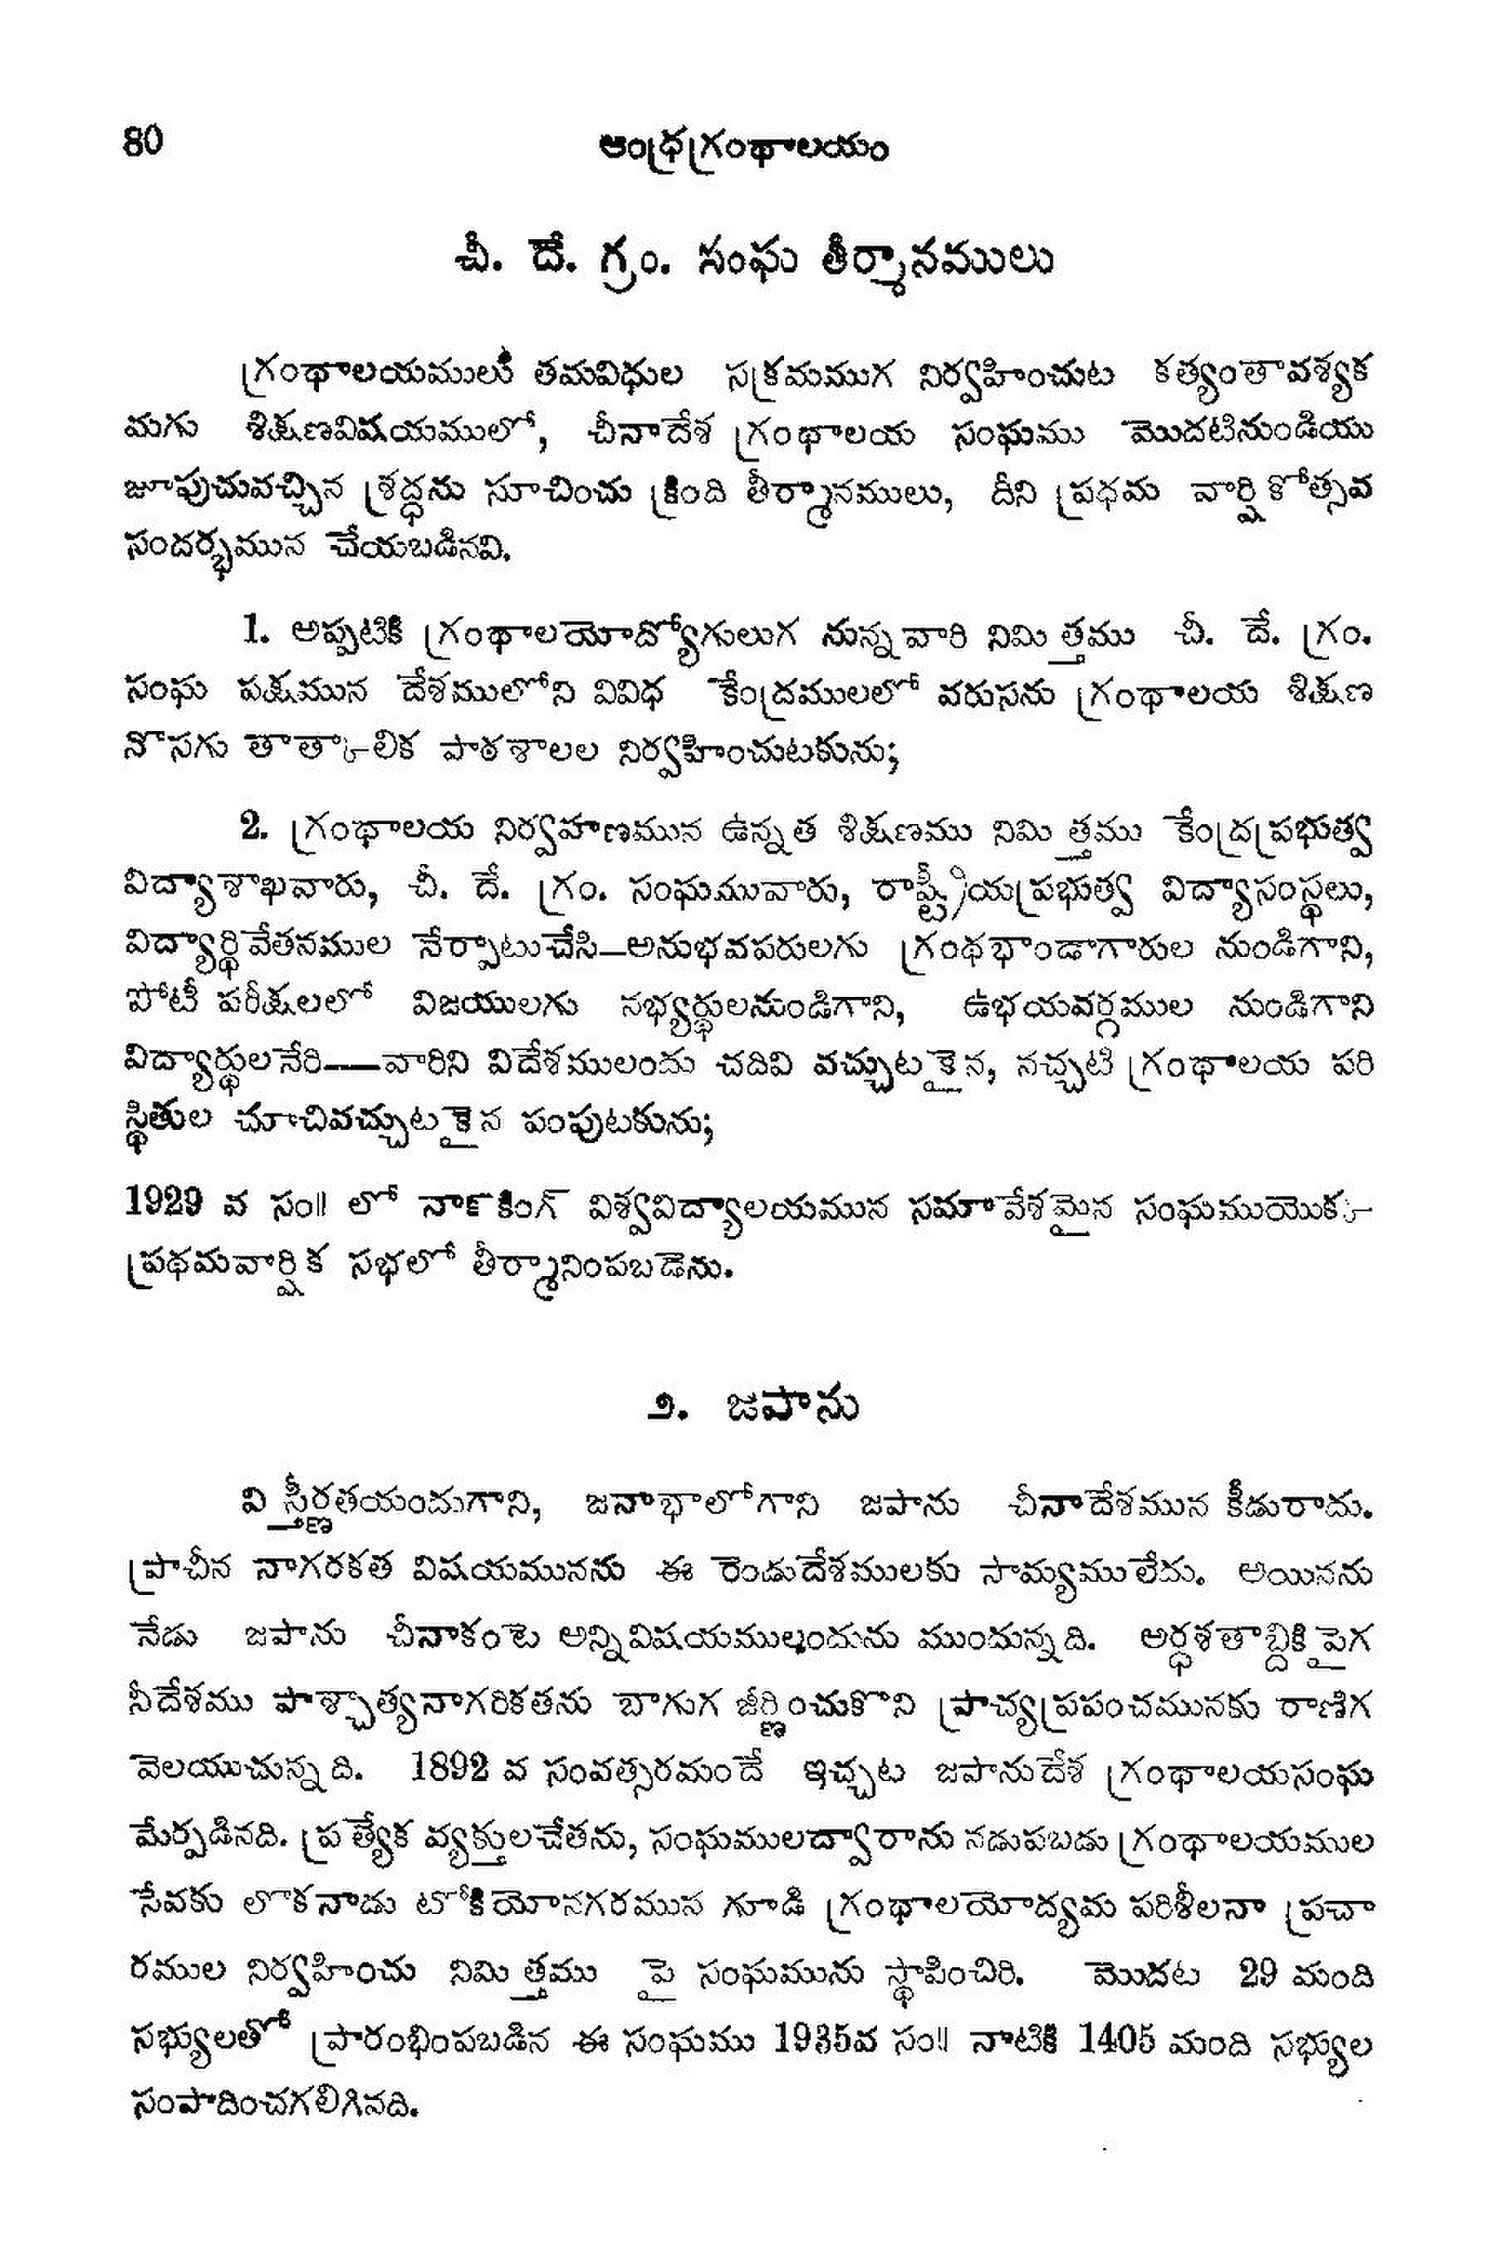గ్రంథాలయములు తమవిధుల సక్రమముగ నిర్వహించుట కత్యంతావశ్యకమగు శిక్షణవిషయములో, చీనాదేశ గ్రంథాలయ సంఘము మొదటినుండియు జూపుచువచ్చిన శ్రద్ధను సూచించు క్రింది తీర్మానములు, దీని ప్రధమ వార్షికోత్సవ సందర్భమున చేయబడినవి.

 అప్పటికి గ్రంథాలయోద్యోగులుగ నున్నవారి నిమిత్తము చీ. దే. గ్రం.సంఘ పక్షమున దేశములోని వివిధ కేంద్రములలో వరుసను గ్రంథాలయ శిక్షణనొసగు తాత్కాలిక పాఠశాలల నిర్వహించుటకును;
 గ్రంథాలయ నిర్వహణమున ఉన్నత శిక్షణము నిమిత్తము కేంద్రప్రభుత్వ విద్యాశాఖవారు, చీ. దే.గ్రం. సంఘమువారు, రాష్ట్రీయప్రభుత్వ విద్యాసంస్థలు, విద్యార్థి వేతనముల నేర్పాటుచేసి - అనుభవపరులగు గ్రంథభాండాగారుల నుండిగాని, పోటీ పరీక్షలలో విజయులగు అభ్యర్థులనుండిగాని, ఉభయవర్గముల నుండిగాని విద్యార్థులనేరి — వారిని విదేశములందు చదివి వచ్చుటకైన, నచ్చటి గ్రంథాలయ పరిస్థితుల చూచివచ్చుటకైన పంపుటకును;

1929 వ సం॥ లో నాకింగ్ విశ్వవిద్యాలయమున సమావేశమైన సంఘముయొక్క ప్రథమవార్షిక సభలో తీర్మానింపబడెను.

విస్తీర్ణతయందుగాని, జనాభాలోగాని జపాను చీనాదేశమున కీడురాదు. ప్రాచీన నాగరికత విషయమునను ఈ రెండుదేశములకు సామ్యములేదు. అయినను నేడు జపాను చీనాకంటే అన్ని విషయములందును ముందున్నది. అర్ధశతాబ్దికి పైగ నీదేశము పాశ్చాత్య నాగరికతను బాగుగ జీర్ణించుకొని ప్రాచ్య ప్రపంచమునకు రాణిగ వెలయుచున్నది. 1892వ సంవత్సరమందే ఇచ్చట జపాను దేశ గ్రంథాలయసంఘ మేర్పడినది. ప్రత్యేక వ్యక్తులచేతను, సంఘములద్వారాను నడుపబడు గ్రంథాలయముల సేవకులొకనాడు టోకియోనగరమున గూడి గ్రంథాలయోద్యమ పరిశీలనా ప్రచారముల నిర్వహించు నిమిత్తము పైసంఘమును స్థాపించిరి. మొదట 29 మంది సభ్యులతో ప్రారంభింపబడిన ఈ సంఘము 1985వ సం॥ నాటికి 1405 మంది సభ్యుల సంపాదించగలిగినది.